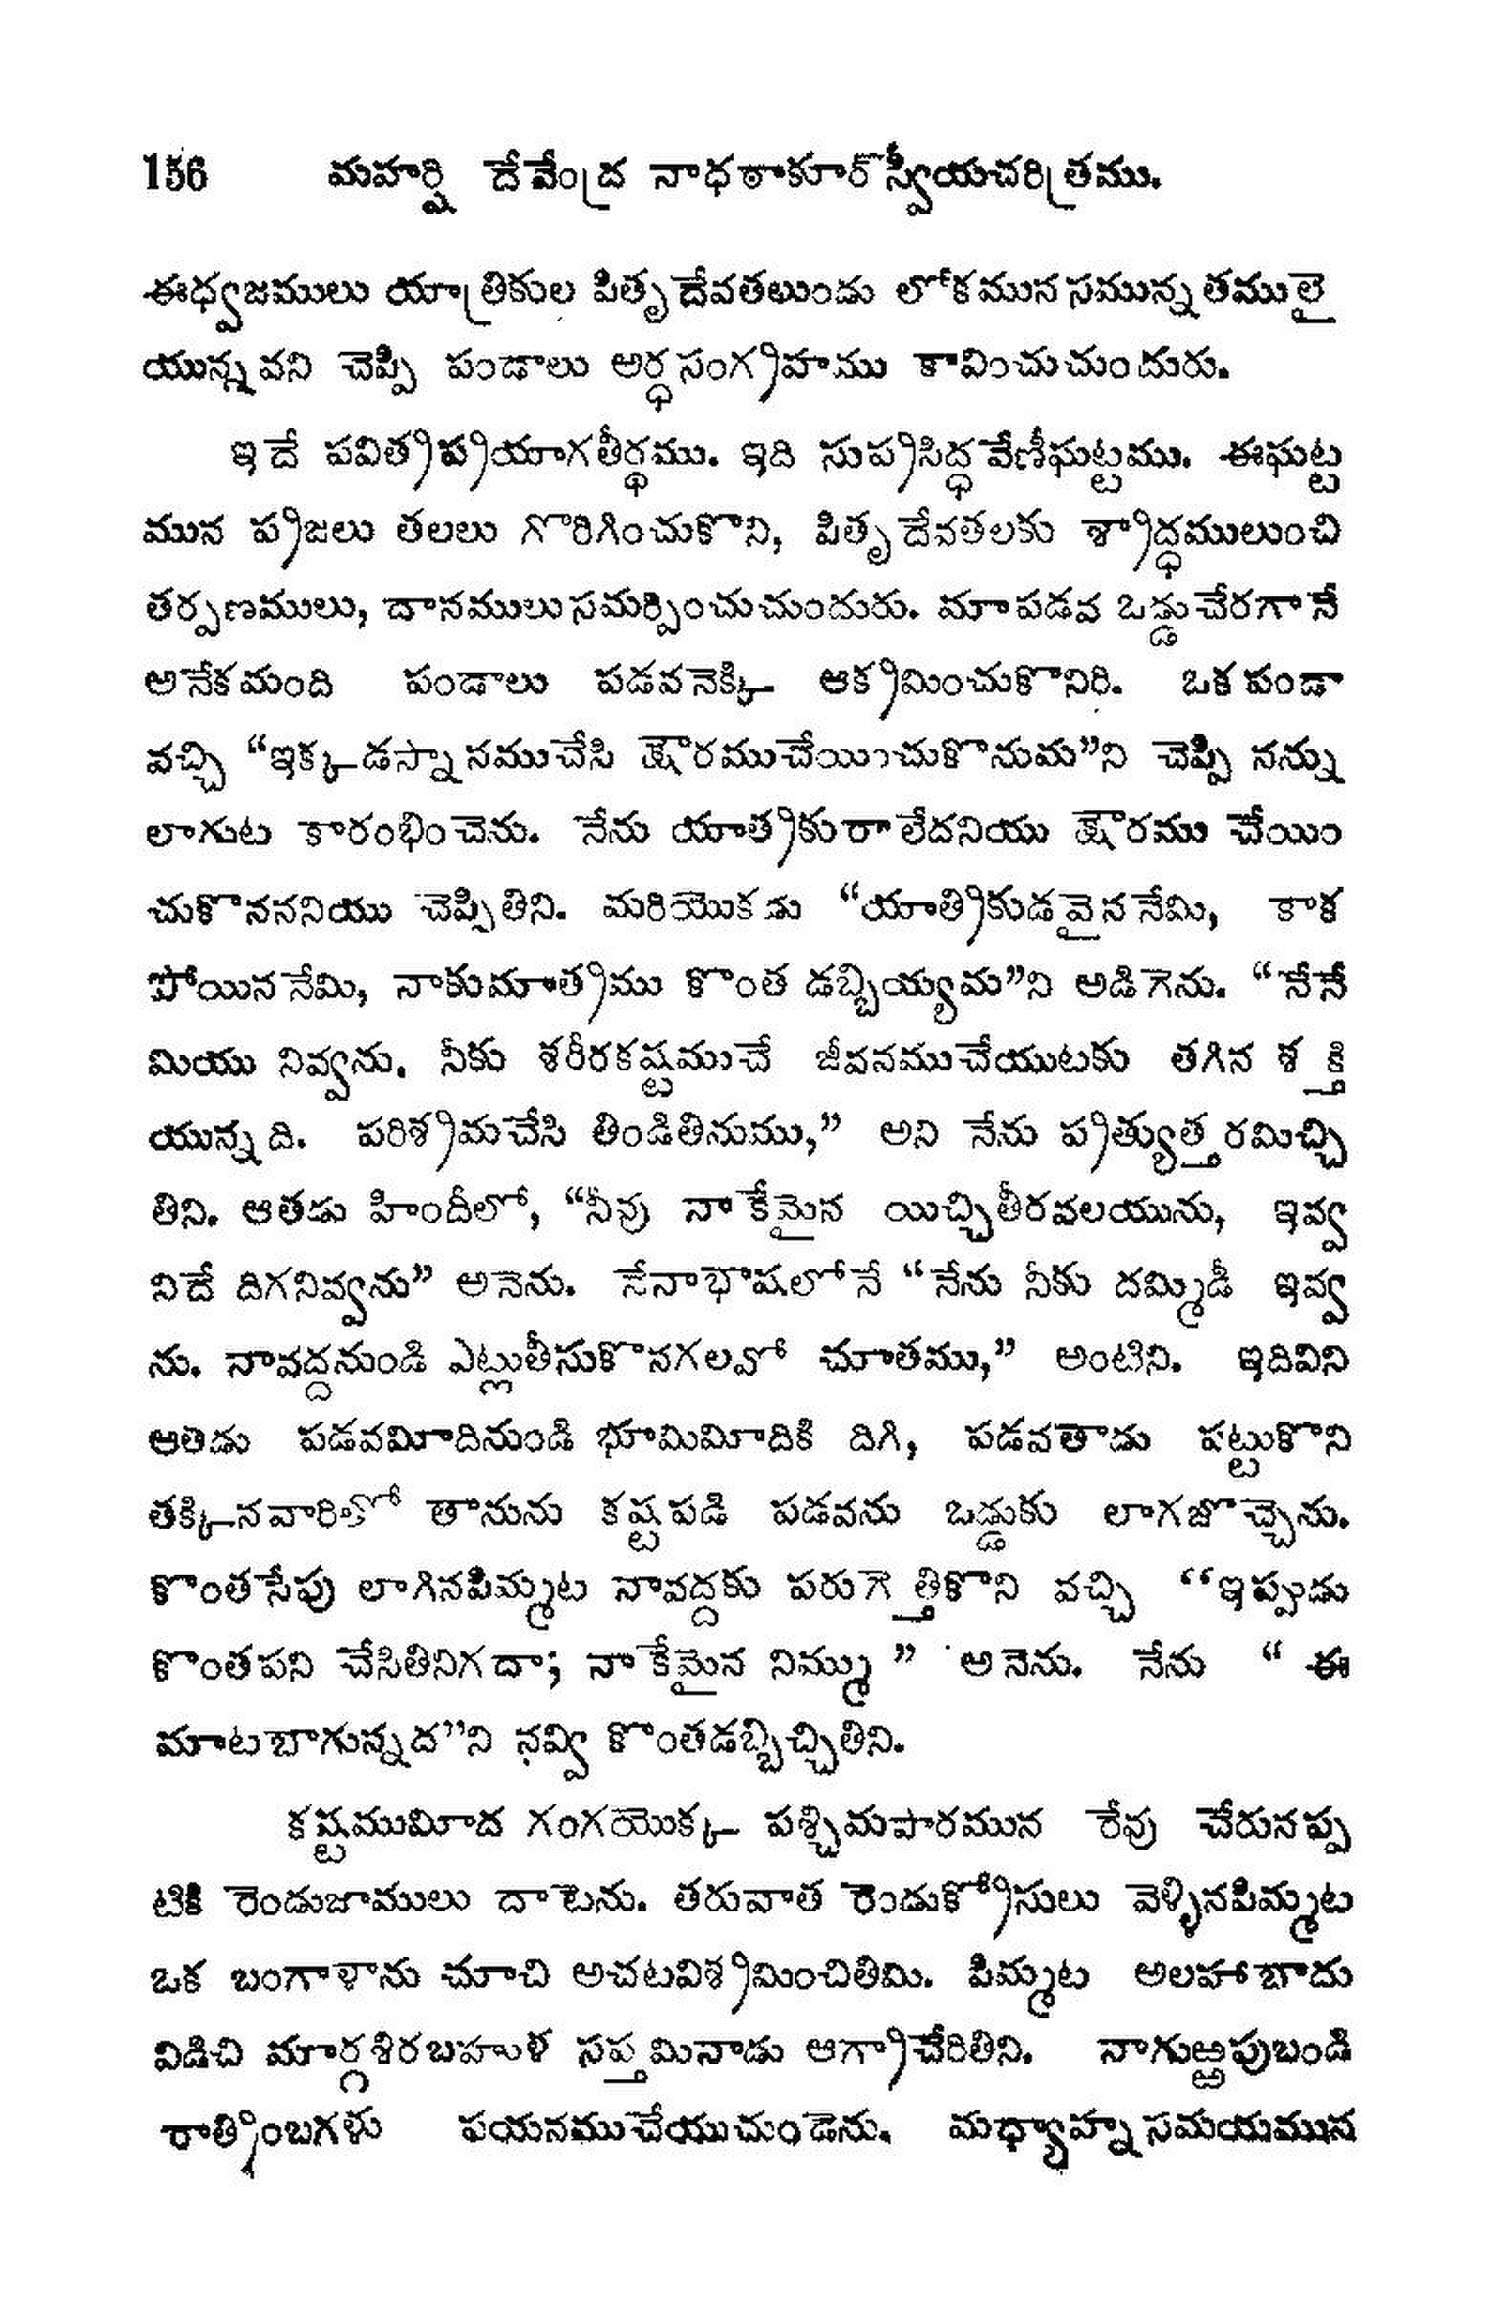156

ఈధ్వజములు యాత్రికుల పితృదేవతలుండు లోకమున సమున్నతములై
యున్నవని చెప్పి పండాలు అర్ధ సంగ్రహము కావించు చుందురు.
ఇదే పవిత్ర ప్రయోగ తీర్థము. ఇది సుప్రసిద్ధ వేణీఘట్టము. ఈఘట్ట
మున ప్రజలు తలలు గొరిగించుకొని, పితృదేవతలకు శ్రాద్ధములుంచి
తర్పణములు,దానములు సమర్పించుచుందురు. మాపడవ ఒడ్డు చేరగానే
అనేకమంది పండాలు పడవ నెక్కి ఆక్రమించుకొనిరి. ఒక పండావచ్చి “ఇక్కడ
స్నాసముచేసి క్షౌరముచేయిచు కొనుమ”ని చెప్పి నన్నులాగుట 
కారంభించెను. 'నేను యాత్రకు రాలేదనియు క్షౌరము చేయిం
చుకొనననియు చెప్పితిని. మరి యొక డు “యాత్రికుడవైన నేమి, కాక
పోయిన నేమి, నాకు మాత్రము కొంత డబ్బియ్యమ”ని అడిగెను. “నేనే
మియు నివ్వను, నీకు శరీర కష్టముచే జీవనము చేయుటకు తగిన శక్తి
యున్నది. పరిశ్రమచేసి తిండి తినుము,” అని నేను ప్రత్యుత్త రమిచ్చి
తిని. ఆతడు హిందీలో, “నీవు నా కేమైన యిచ్చి తీరవలయును, ఇవ్వ
నిదే దిగనివ్వను” అనెను. నేనా భాషలో నే “ నేను నీకు దమ్మిడీ ఇవ్వ
ను. నావద్దనుండి ఎట్లు తీసుకొనగలవో చూతము,” అంటిని, ఇదివిని
ఆతడు పడవమీదినుండి భూమిమీదికి దిగి, పడవ తాడు పట్టుకొని
తక్కినవారితో తానును కష్టపడి పడవను ఒడ్డుకు లాగజొచ్చెను.
కొంత సేపు లాగినపిమ్మట నావద్దకు పరుగెత్తికొని వచ్చి "ఇప్పుడు
కొంత పని చేసితినిగదా, నా కేమైన నిమ్ము ” అనెను. నేను
మాట బాగున్నద"ని నవ్వి కొంతడబ్బిచ్చితిని.'

కష్టము మీద గంగ యొక్క పశ్చిమ పారమున రేవు చేరునప్ప
టికి రెండుజాములు దాటెను. తరువాత రెండు కోసులు వెళ్ళిన పిమ్మట
ఒక బంగాళాను చూచి అచట విశ్రమించితిమి. పిమ్మట అలహాబాదు
విడిచి మార్గశిర బహుళ సప్తమినాడు ఆగ్రా చేరితిని. నాగుఱ్ఱపుబండి
రాత్రింబగళ్లు పయనము చేయుచుండెను. మధ్యాహ్న సమయమున